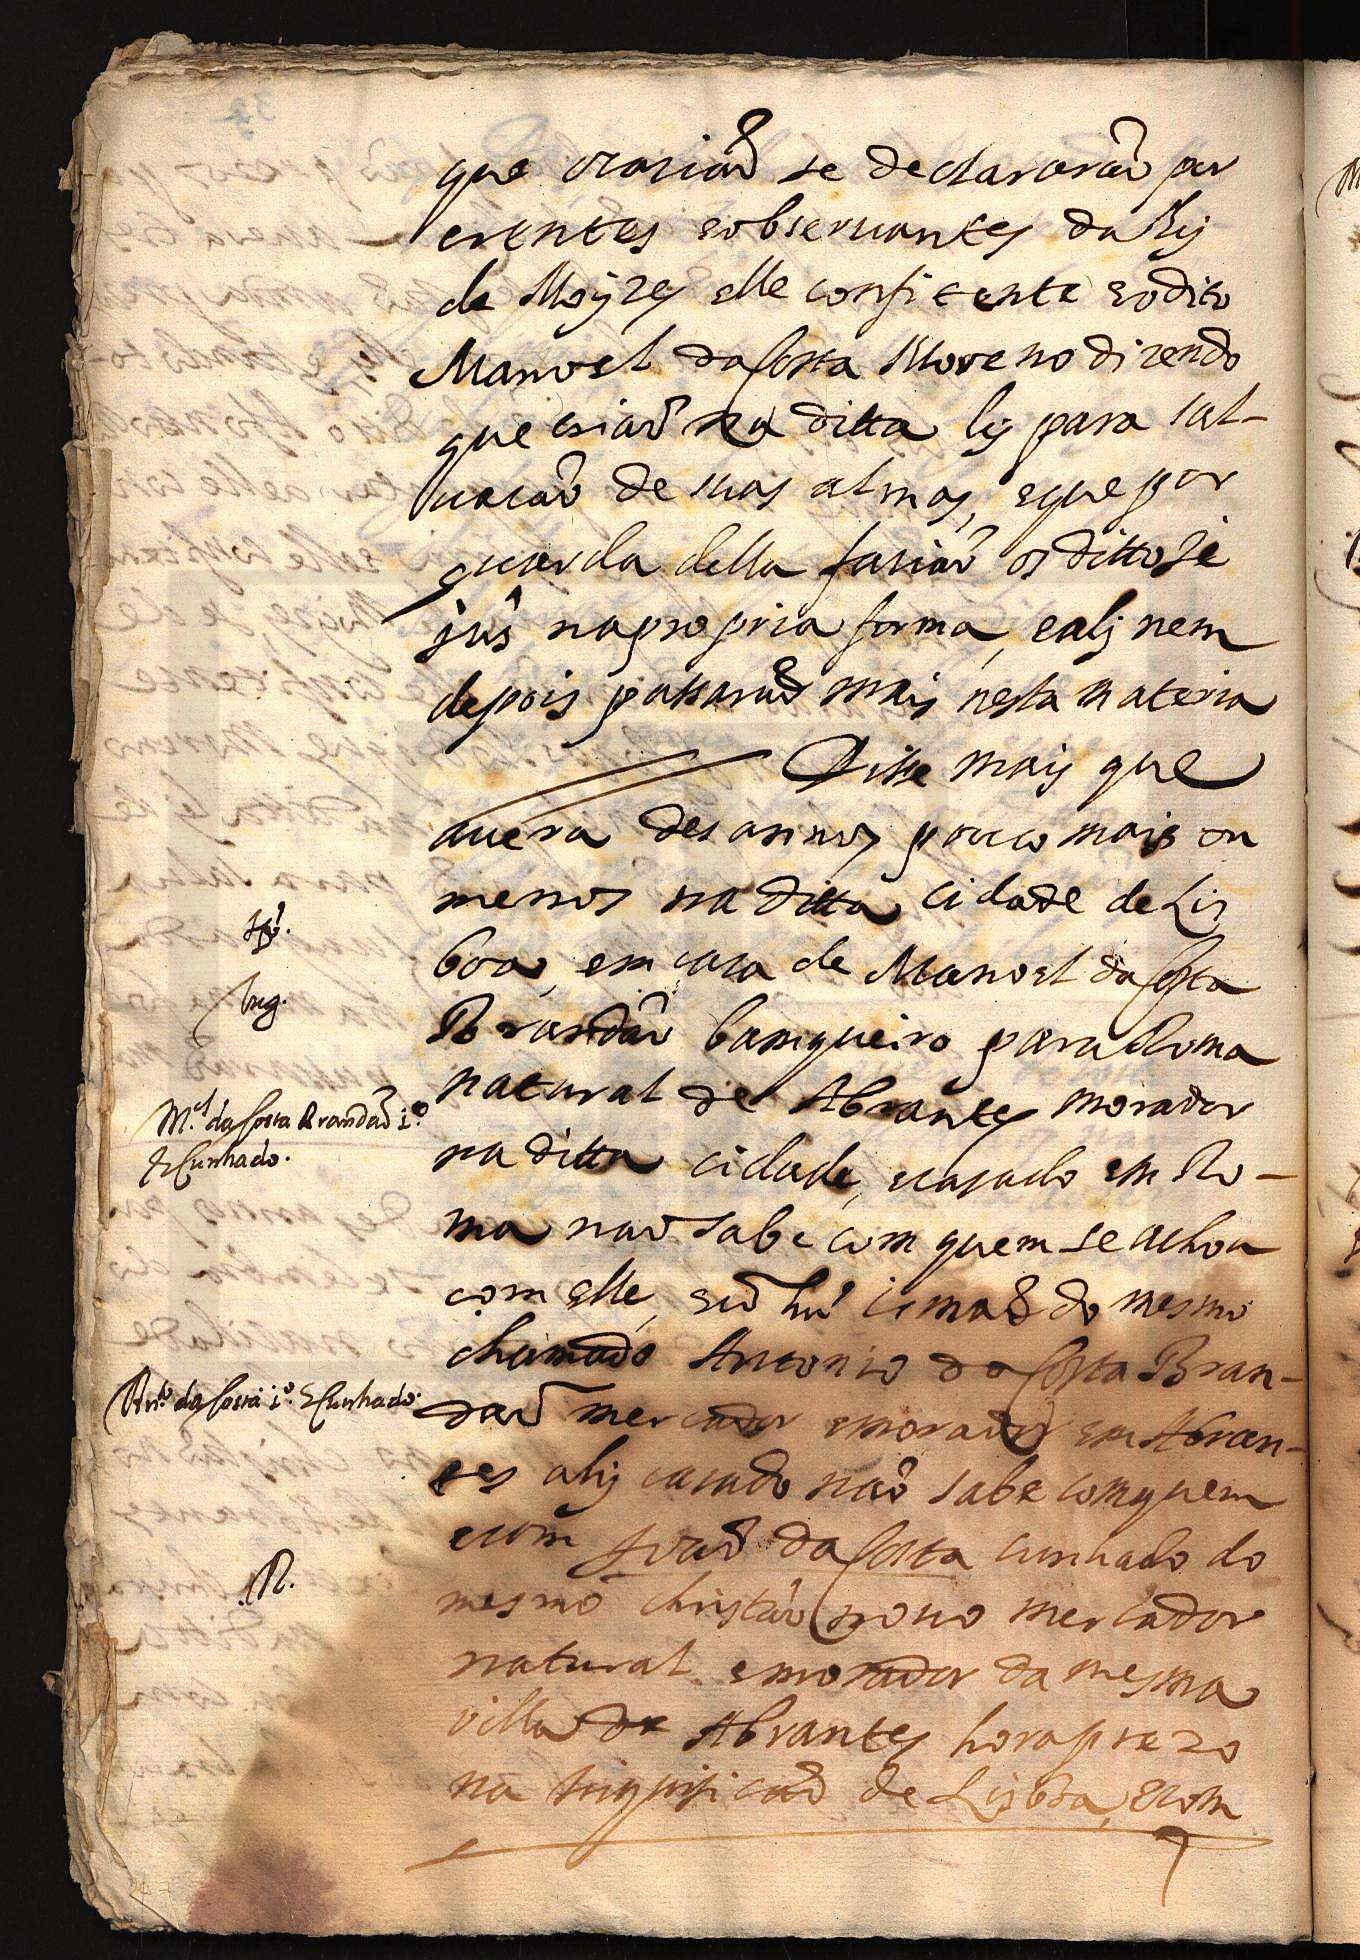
tpo
lug.
M.el da Costa Brandaõ i.o
E Cunhado.
An.to da Costa i.o E Cunhado
R.
que ocaziaõ se declararão por
crentes E obseruantes da llej
de Moyzes Elle confitente E o dito
Manoel da Costa Moreno dizendo
que criaõ na ditta lej para sal
uaçaõ de suas almas, e que por
guarda della faziaõ os dittos je
jūs na propria forma, e alj nem
depois passaraõ mais nesta materia
Disse mais que
auera des annos pouco mais ou
menos na ditta cidade de Lis
boa em caza de Manoel da Costa
Brandaõ bamqueiro para Roma
natural de Abrantes morador
na ditta cidade, E casado Em Ro
ma naõ sabe com quem se achou
com elle, E cō hū irmaõ do mesmo
chamado Antonio da Costa Bran
daõ mercador E morador Em Abran
tes ahj casado naõ sabe com quem
e com Joaõ da Costa cunhado do
mesmo christaõ nouo mercador
natural e morador da mesma
villa de Abrantes hora prezo
na Inquisição de Lisboa, E com
